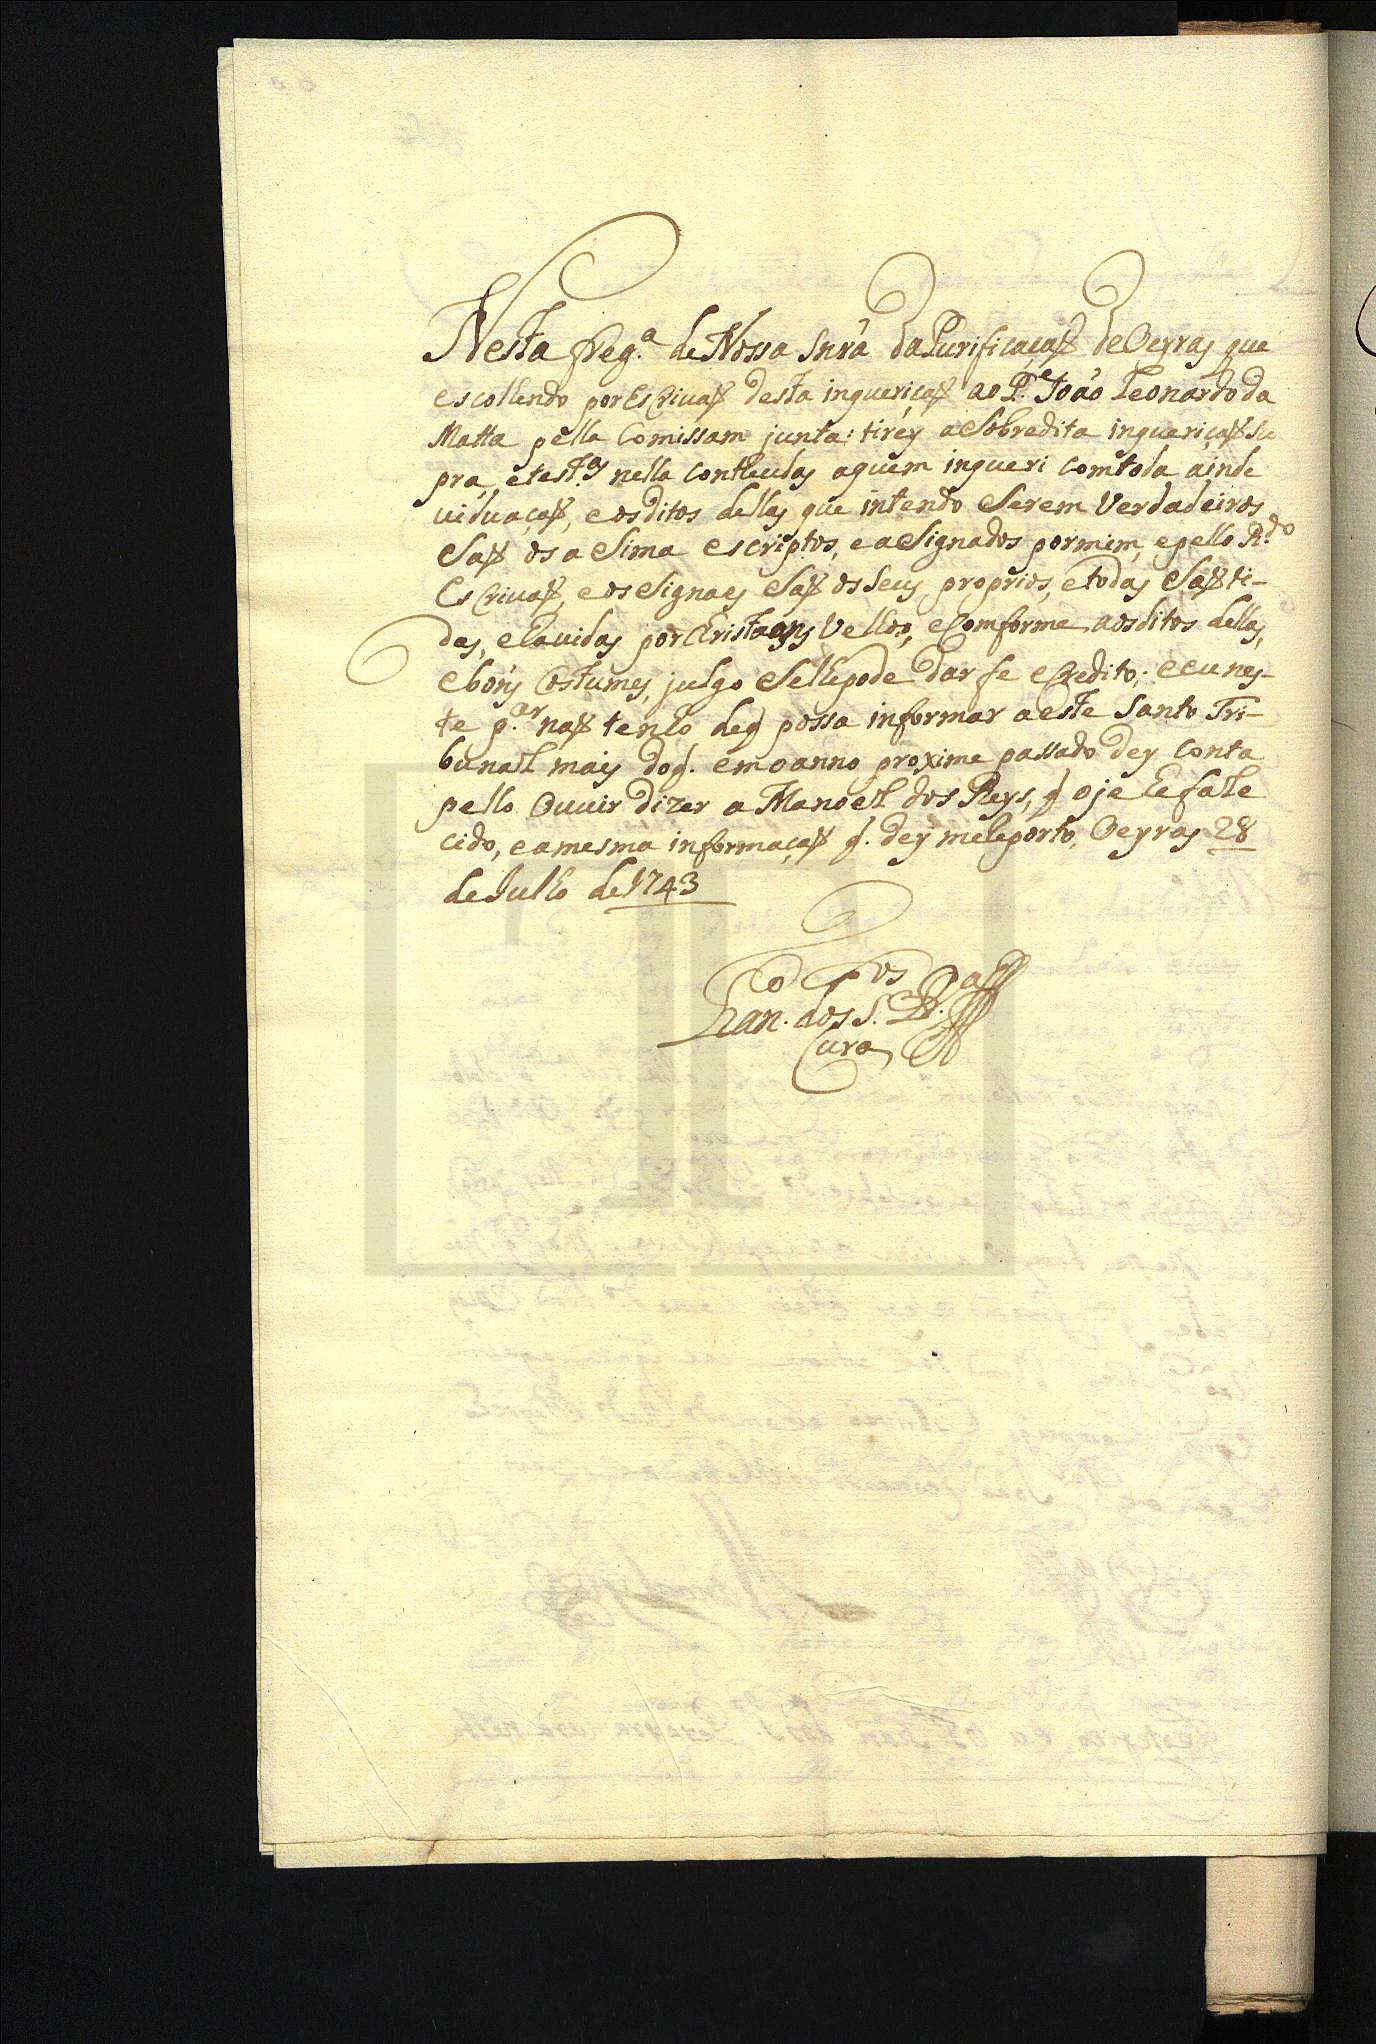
Nesta freg.a de Nossa Snrā da Purificaçaõ de Oeyras que
escolhendo por EsCriuaõ desta inqueriçaõ ao P.e Ioão Leonardo da
Matta pella Comissam junta: tirey a Sobredita inqueriçaõ su
pra, e test.as nella contheudas a quem inqueri com toda a inde
uiduaçaõ, e os ditos dellas que intendo Serem verdadeiros
Saõ os aSima escriptos, e aSignados por mim, e pello R.do
EsCriuaõ, e os Signaes Saõ os seus proprios, e todas Saõ ti
das, e hauidas por christaons velhos, e Comforme aos ditos dellas,
e bons Costumes, julgo Se lhe pode dar fe e Credito; e eu nes
te p.ar naõ tenho de q̄ possa informar a este santo Tri
bunal mais do q̄. em o anno proxime passado dey conta
pello Ouuir dizer a Manoel dos Reys, q̄ oje he fale
cido, e a mesma informaçaõ q̄. dey me Reporto, Oeyras 28
de Iulho de 1743
Fran.co dos S.tos Pr.a
Cura
